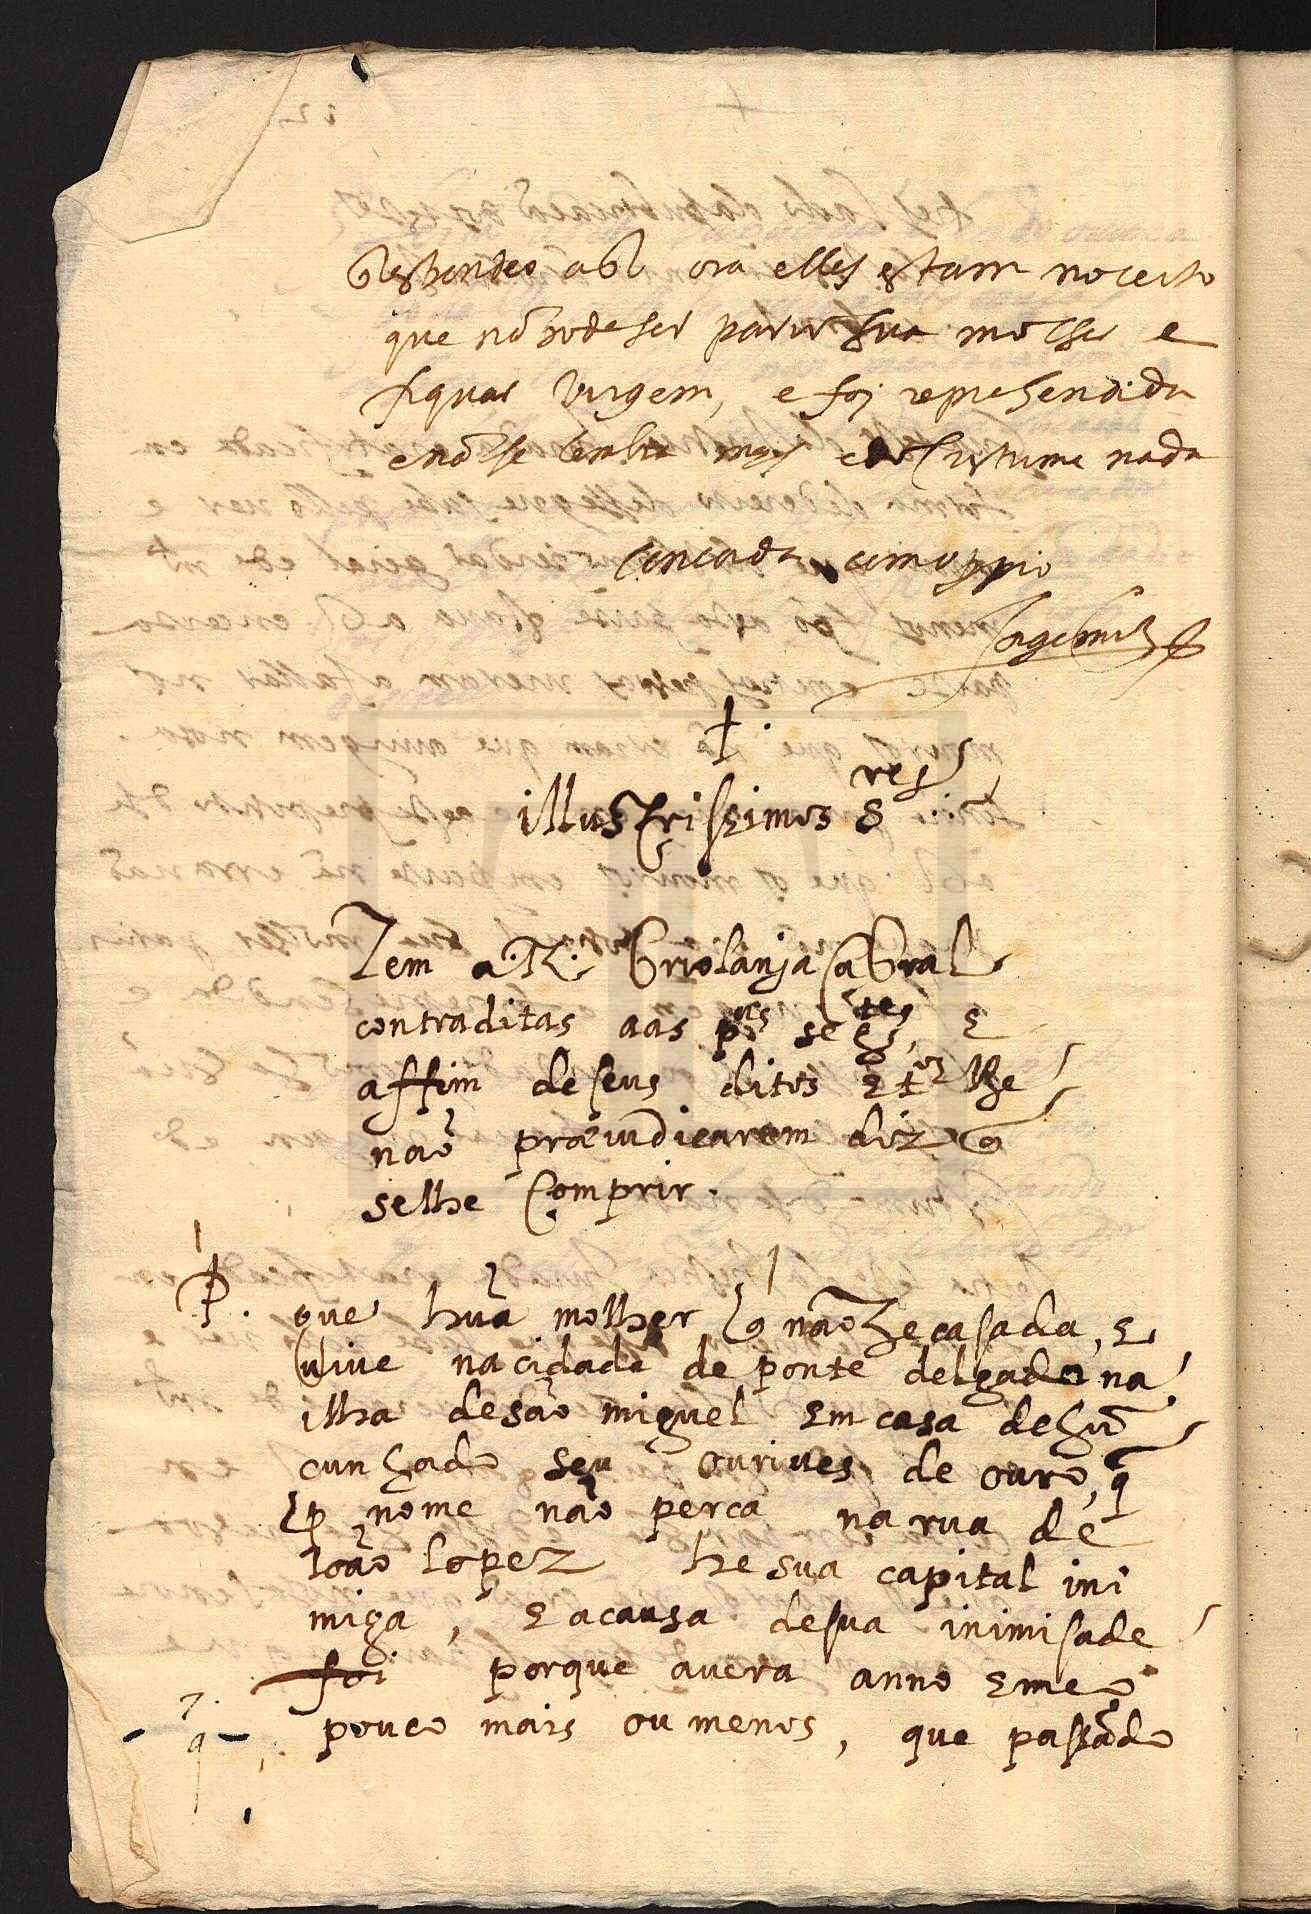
Respondeo a R ora elles estam no certo
que nō pode ser parir sua molher e
fiquar virgem, e foj reprehendida
e nā se lembra mais e do Custume nada
concorda com o ꝓpio
Jorge mīz
illustrissimos sres.
Tem a R. briolanja Cabral
contraditas aas pas segtes, E
affim de seus ditos E tos lhe
naõ præiudicarem diz q̄
se lhe Comprir.
P. que huā molher q̄ não he casada, E
uiue na cidade de ponte delgada na
ilha de são miguel Em casa de hū
cunhado seu ouriues de ouro, q̄
p̄ nome não perca na rua de
Ioão Lopez he sua capital ini
miga, E a causa de sua inimisade
foi porque auera anno E meo
pouco mais ou menos, que passādo
